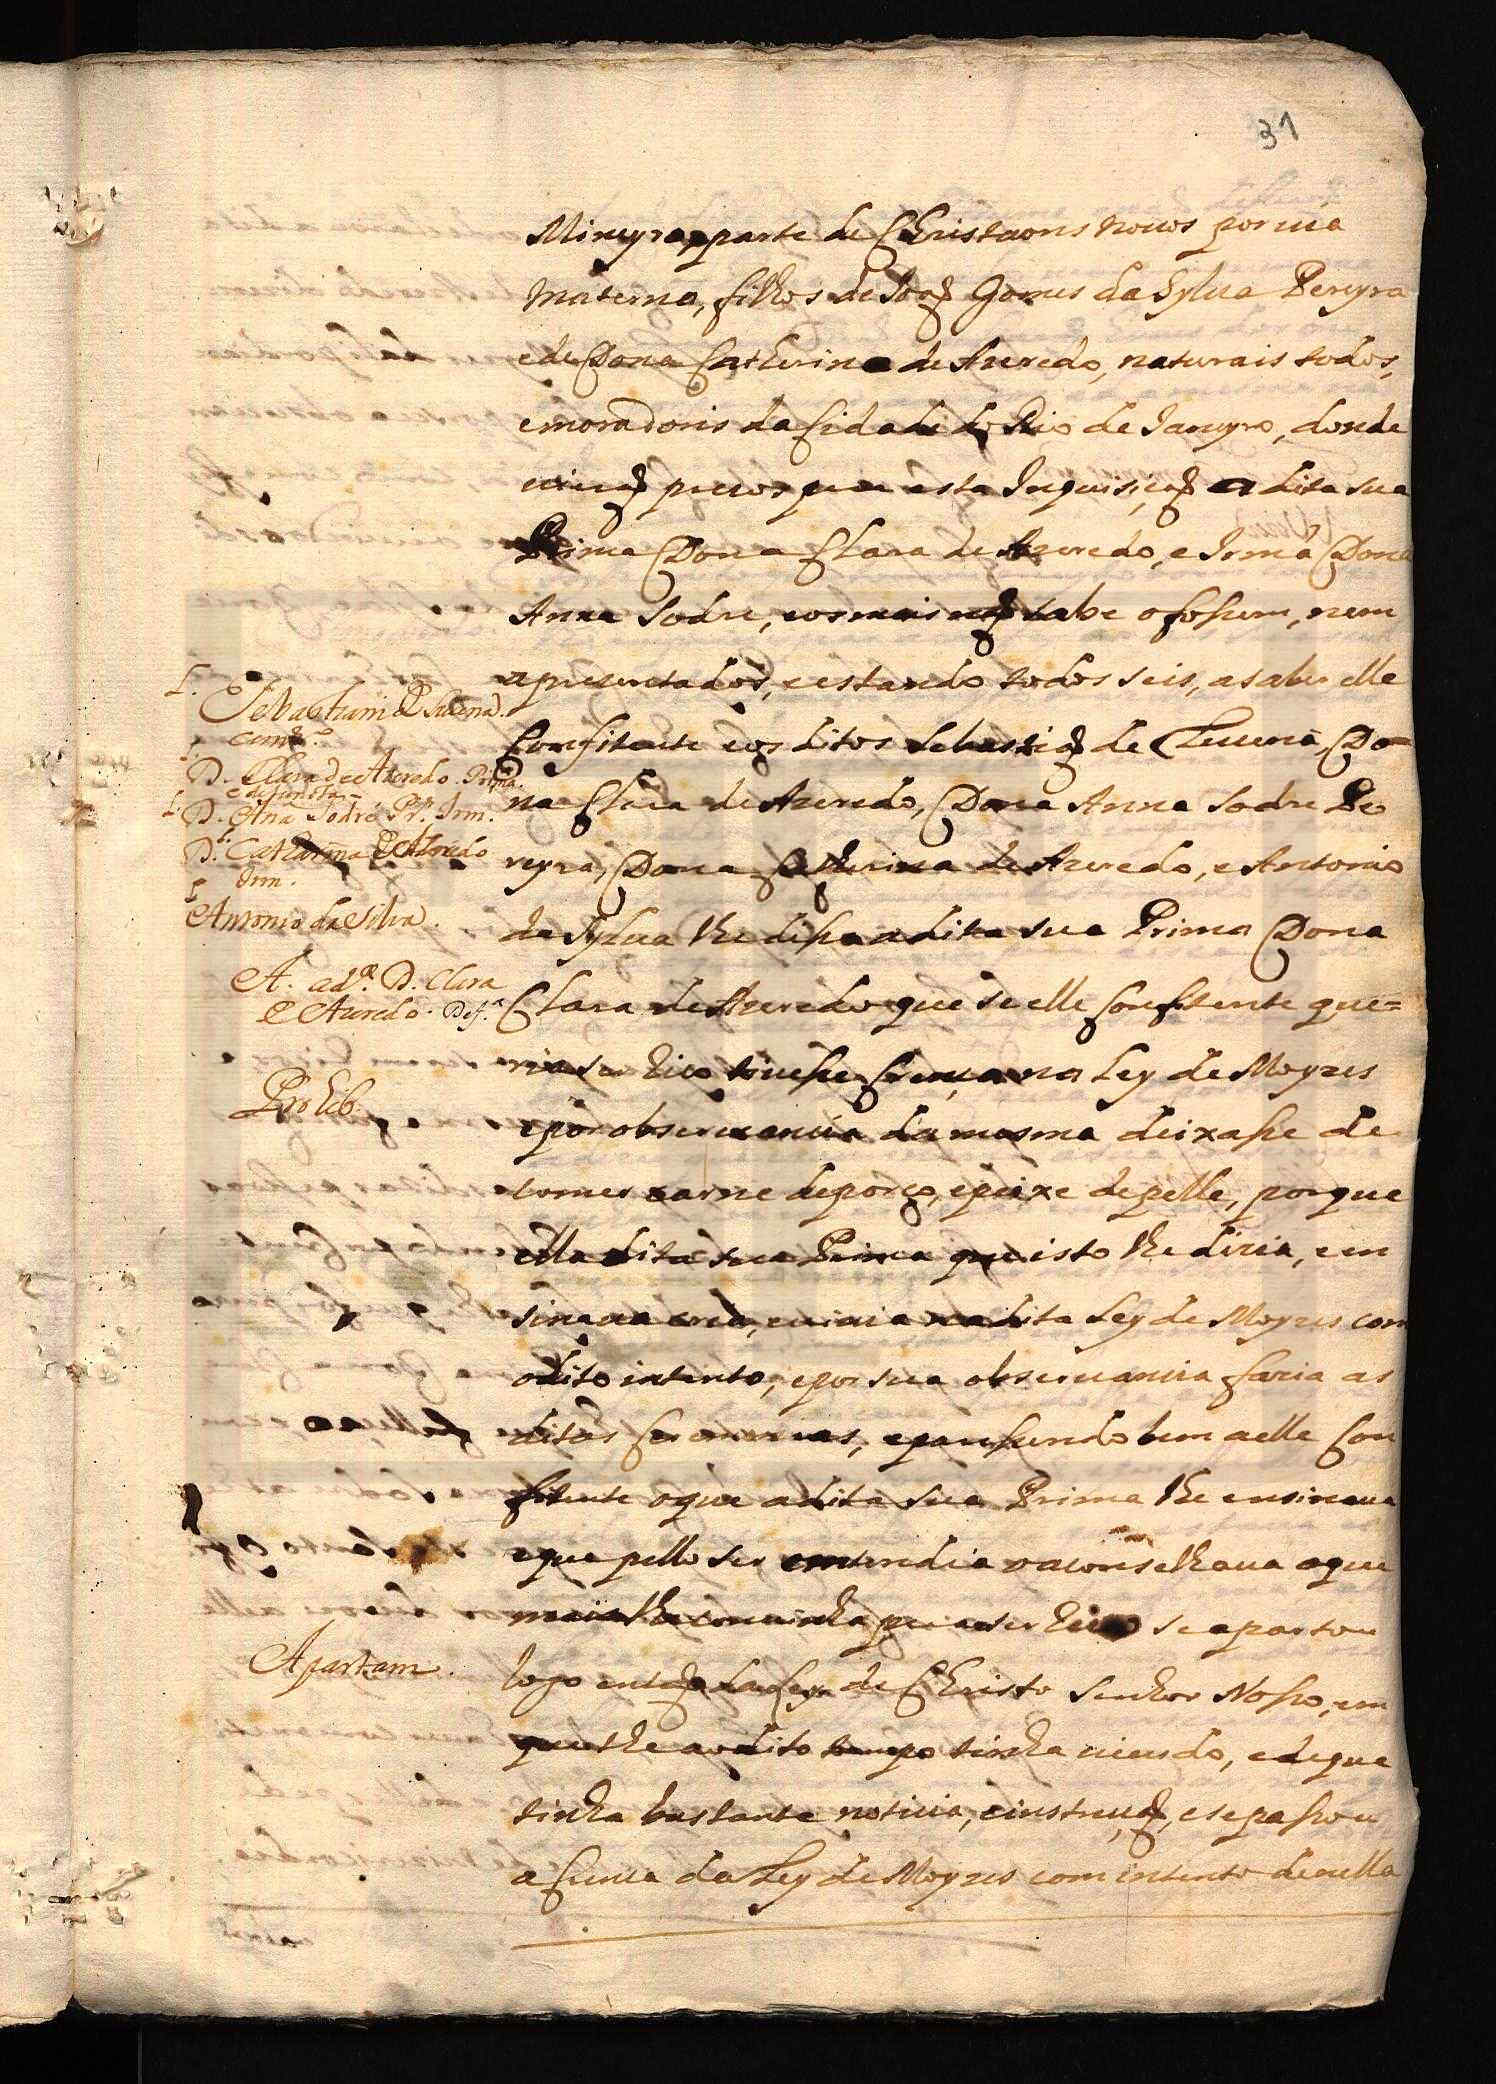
Sebastiam de Lucena.
p conh.o
D. Clara de Azeredo. Prima.
e defuncta
D. Ana Sodré Pr.a Irm.
D. Catharina de Azeredo
Irm.
Antonio da Silva.
A. a d.a D. Clara
e Azeredo. Def.a
Prohib.
Apartam.
Mineyro, parte de Christaons nouos por uia
materna, filhos de Joaõ Gomes da Sylua Pereyra
e de Dona Catherina de Azeredo, naturais todos,
e moradoris da Cidade do Rio de Janeyro, donde
uieraõ prezos pera esta Inquisiçaõ a dita sua
Prima Dona Clara de Azeredo, e Irmã Dona
Anna Sodre, e os mais naõ sabe o fossem, nem
aprezentados, e estando todos seis, a saber elle
Confitente e os ditos Sebastiaõ de Lucena, Do
na Clara de Azeredo, Dona Anna Sodre Pe
reyra, Dona Catherina de Azeredo, e Antonio
da Sylua lhe disse a dita sua Prima Dona
Clara de Azeredo que se elle Confitente que
ria ser rico tiuesse Crença na Ley de Moyzes
e por obseruancia da mesma deixasse de
comer carne de porco, e peixe de pelle, porque
ella dita sua Prima que isto lhe dizia, e en
sinaua crer, e uiuia na dita Ley de Moyzes com
o dito intento, e por sua obseruancia fazia as
ditas Ceremonias, e paressendo bem a elle Con
fitente o que a dita sua Prima lhe ensinaua
e que pello ser emtendia o aconselhaua o que
mais lhe conuinha pera ser rico se apartou
logo entaõ da Ley de Christo Senhor Nosso, em
que the ao dito tempo tinha uiuido, e de que
tinha bastante noticia, e instruçaõ, e se passou
a Crenca da Ley de Moyzes com intento de nella
